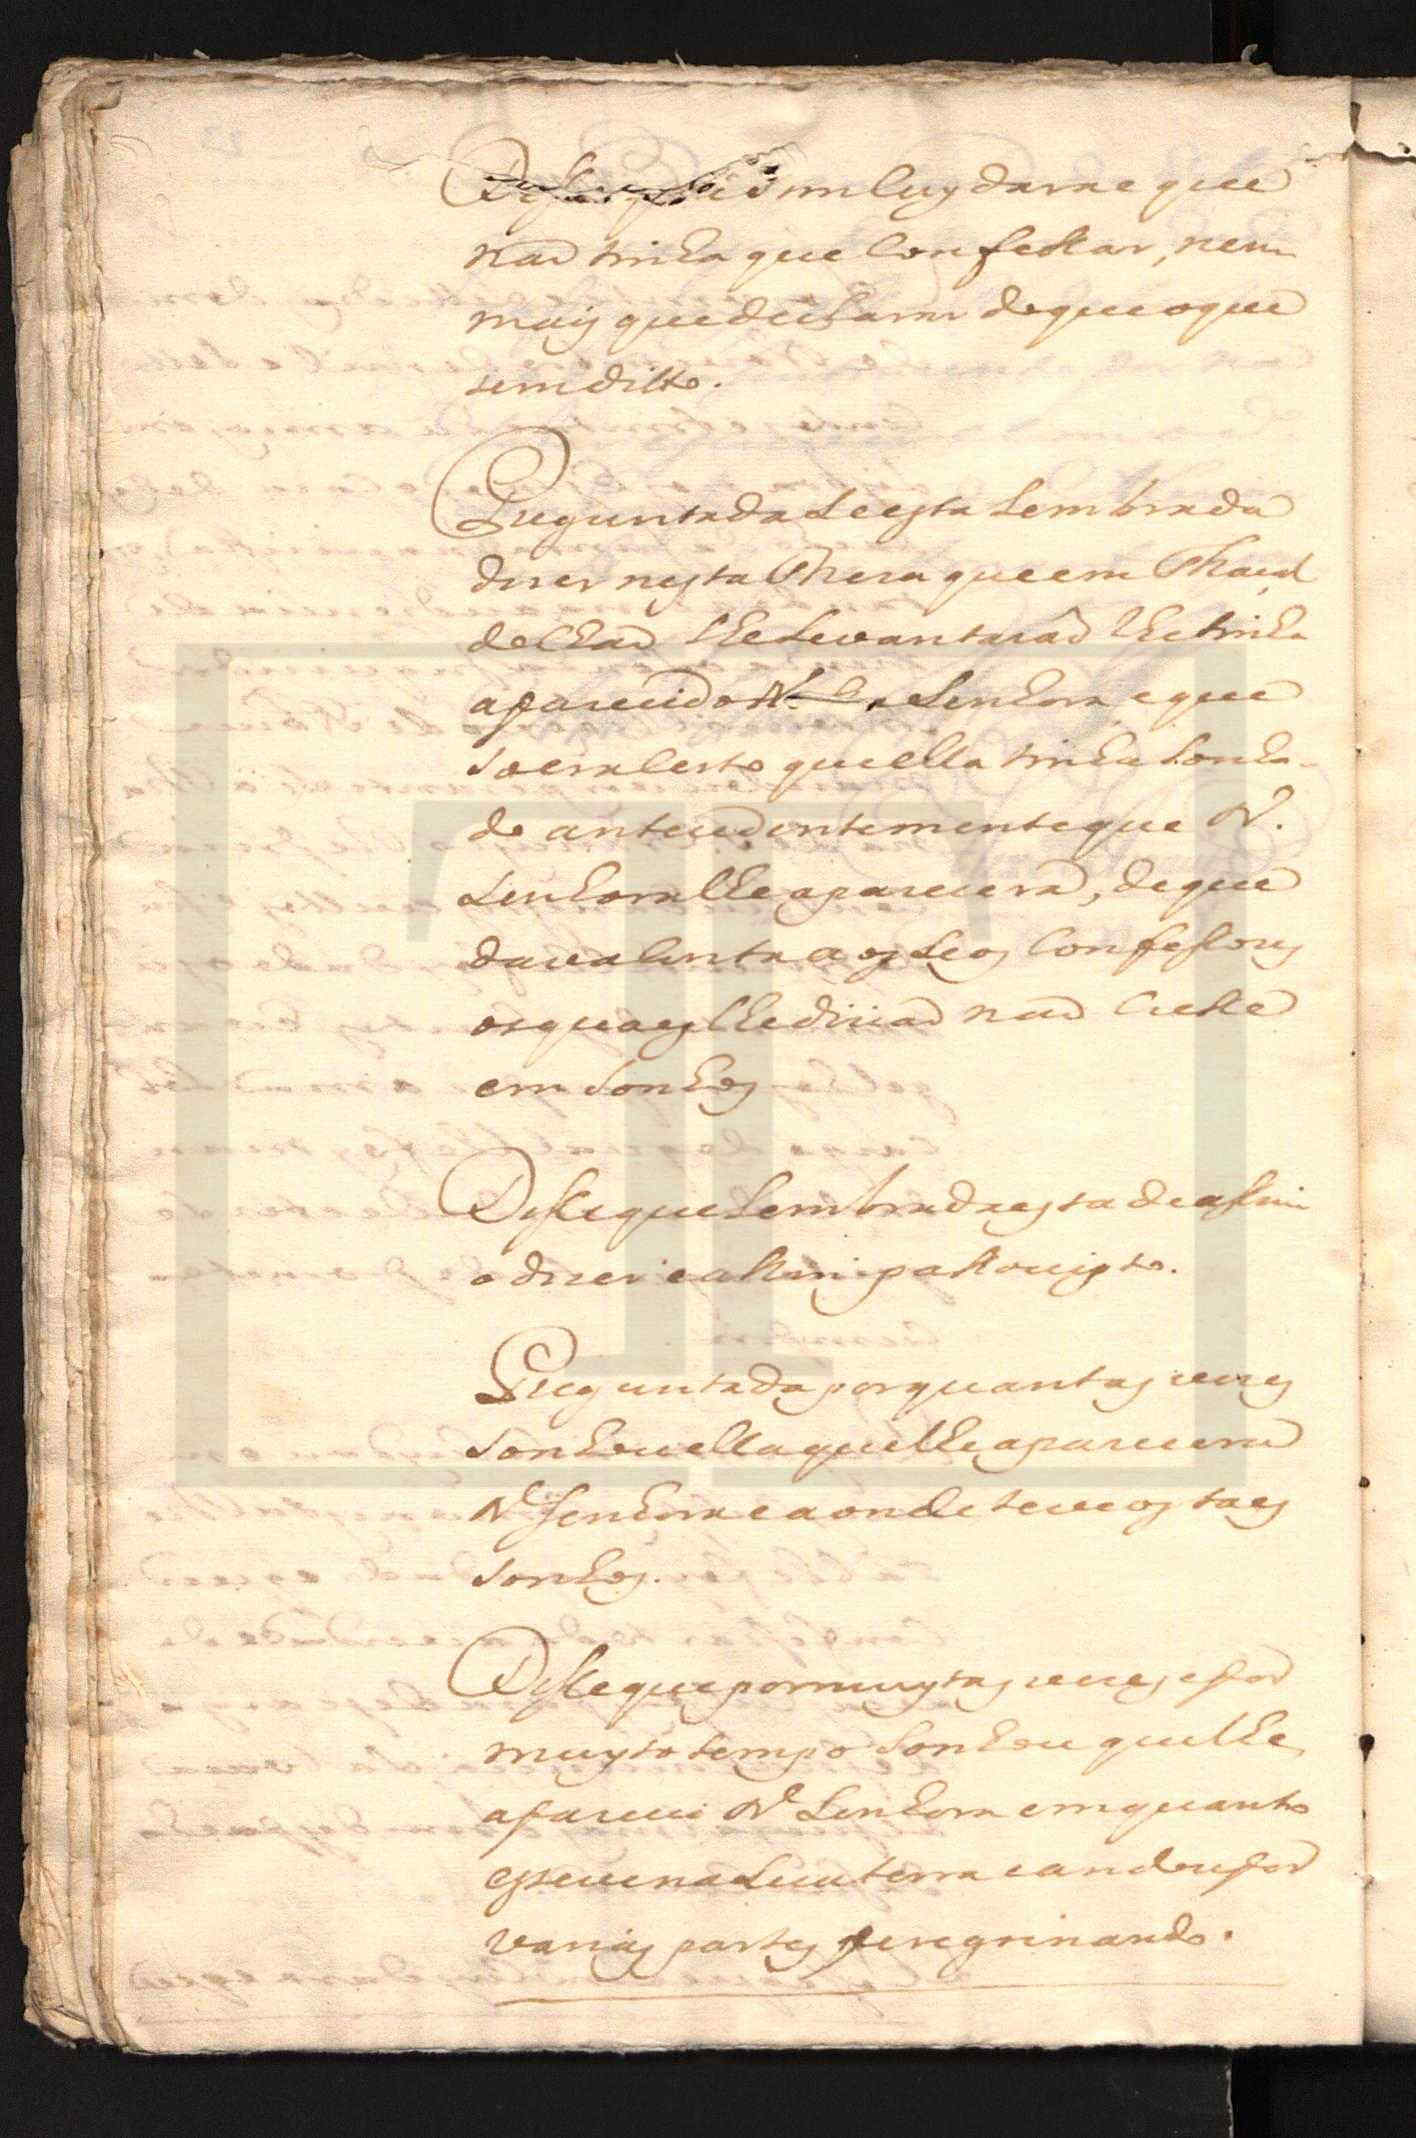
Disse q_e sim Cuydara e que
naõ tinha que confessar, nem
mais que declarar do que o que
tem ditto.
Preguntada se esta lembrada
dizer nesta Meza que em Maçal
de chaõ lhe Levantaraõ lhe tinha
aparecida N__a Senhora, e que
so era certo que ella tinha sonha
do antecedentemente que N.
senhora lhe aparecera, de que
dava conta aos seos confessores
os quaes lhe diziaõ naõ Cresce
em sonhos
Disse que lembrada esta de assim
o dizer e assim passou isto.
Preguntada por quantas vezes
sonhou ella que lhe aparecera
N senhora e aonde teve os taes
sonhos.
Disse que por muytas vezes e por
muyto tempo sonhou que lhe
aparcece N Senhora emquanto
esteve na sua terra e andou por
varias partes peregrinando.
